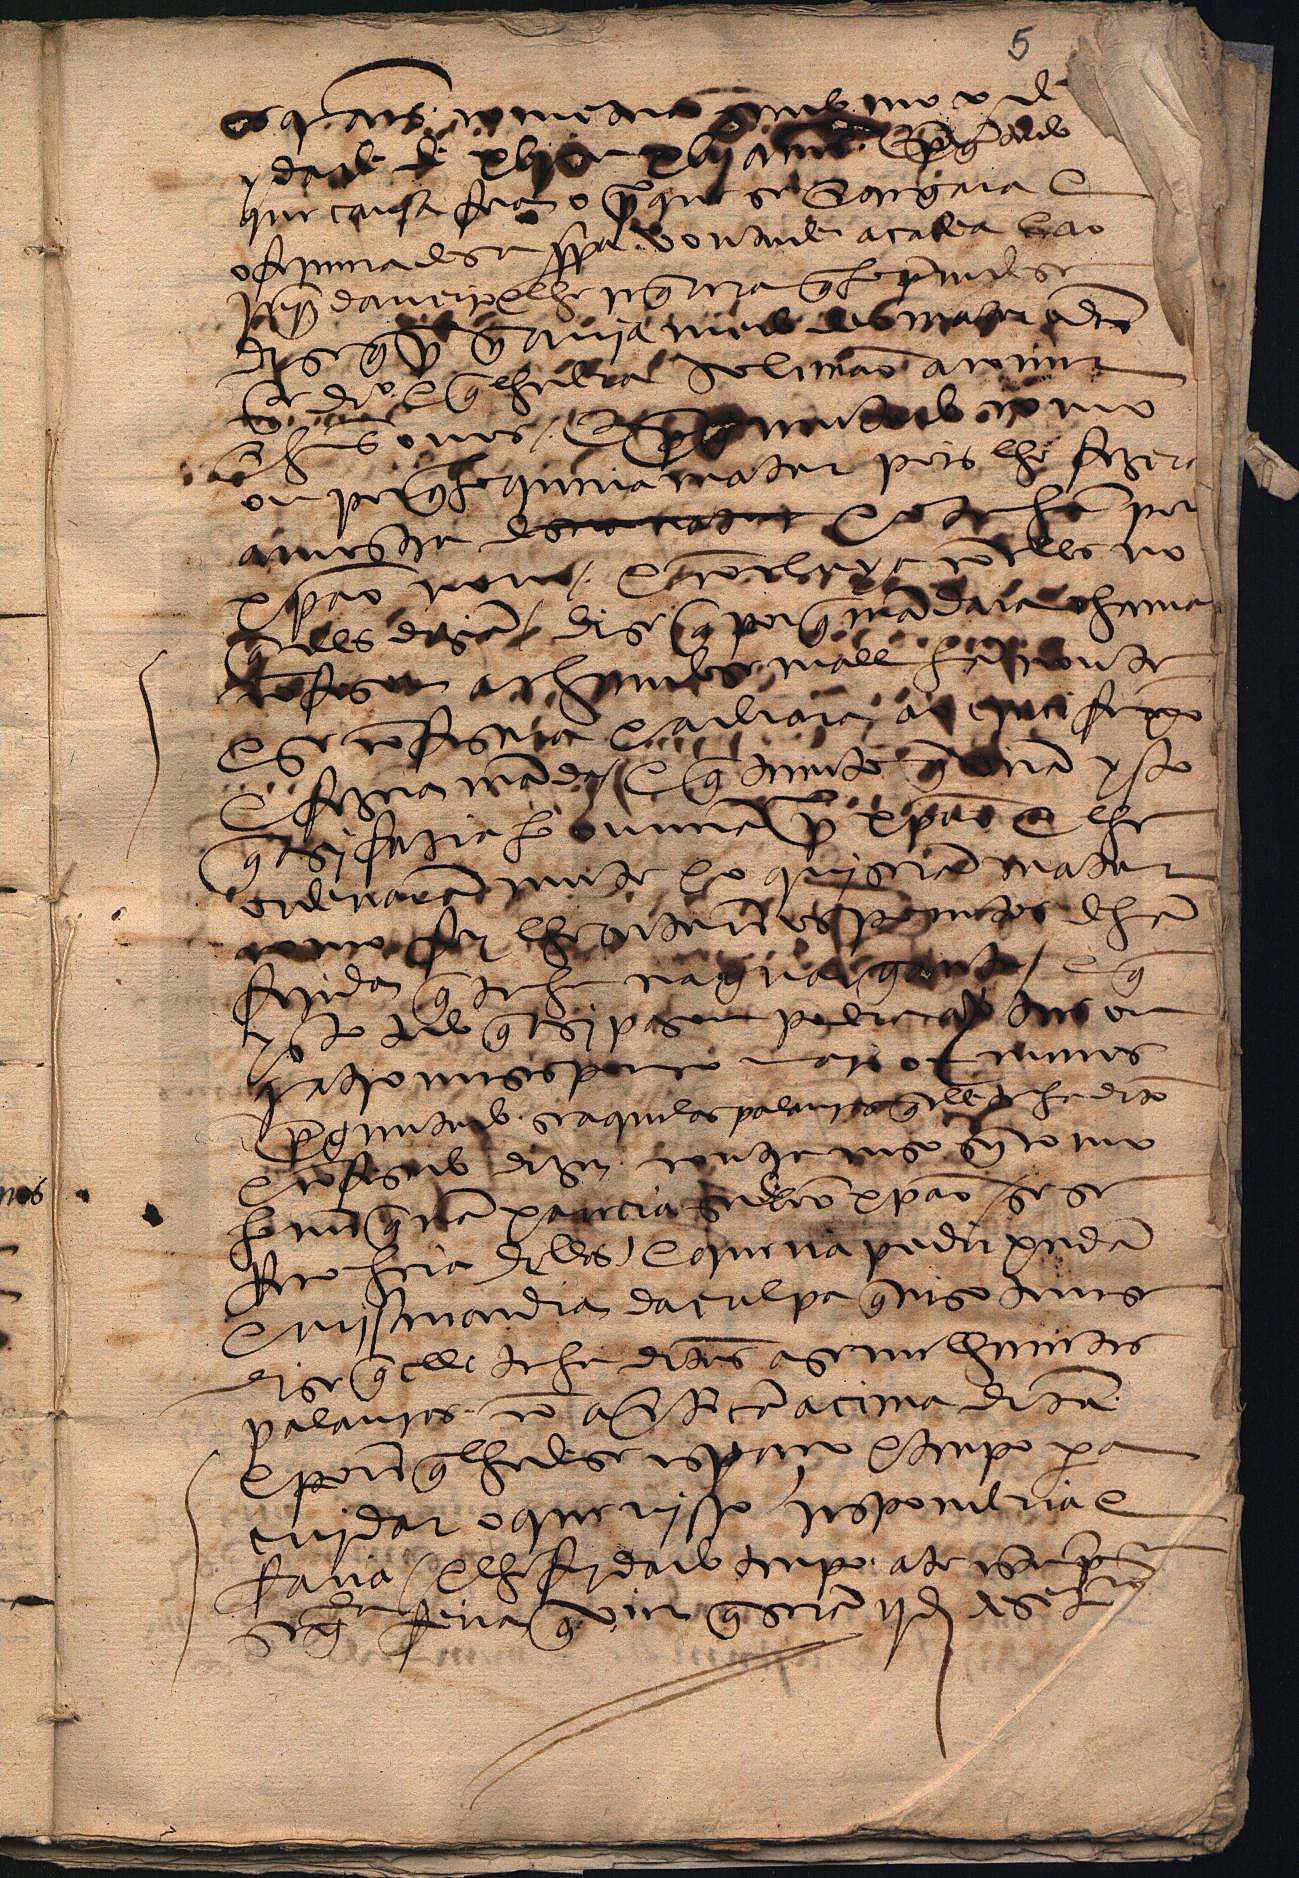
os quāes cometera sendo moço de
ydade de xbj ou xbij an̄os. E p̄gūtado
que causa fora o p̄o que se ētregara e
ofereecera de sa ꝓpia vontade a cadea e ao
Juj̄z daueiro e lhe req̄rera q̄ ho p̄mdese
dise q̄ p̄o q̄ auja medo de o matar o d̄to
mte dio e q̄ lhe dera solimão a comer
ē hūs ouos /. E p̄gumtado como
ou por q̄ ho queria matar pois lhe fezer
amostra de sua natur e o tinhā por
xpão nouo /. e cōcluya c̄o elles no
q̄ elles dizā / dise q̄ porq̄ mādara chama
cōfesor achamdose mall huā noute
e se c̄ofesara e adorara ao crucifixo
e fezera māda / e q̄ tamto q̄ virā ysto
q̄ asy fazia ho ouuerā p̄o xpão e lhe
ordenarā muto e ho qujserā matar
como foy lhe cortarē os pomtos de huā
ferida q̄ tinha na guarganta / e q̄
ysto tudo q̄ asy pasou podera aꝟ tres ou
quatro meses pouco mais ou menos
item p̄gumtado se aquelas palauras q̄ elle tinha dito
e cōfesado dizer contra noso s̄r como
homē q̄ nā pareçia ser de boō xpão / se se
Reconheçia dellas e queria pedir perdā
e mjsericordia da culpa q̄ niso teuese
dise q̄ elle tinha ditas a semelhamtes
palauras c̄o a ētēçā acima dita
e porē q̄ lhe dese espaço e tenpo ꝑa
cujdar o que njsso responderia e
faria / e lhe foj dado tenpo ate esta p̄ma
segda feira q̄ vier q̄ serā ij dj de setro
